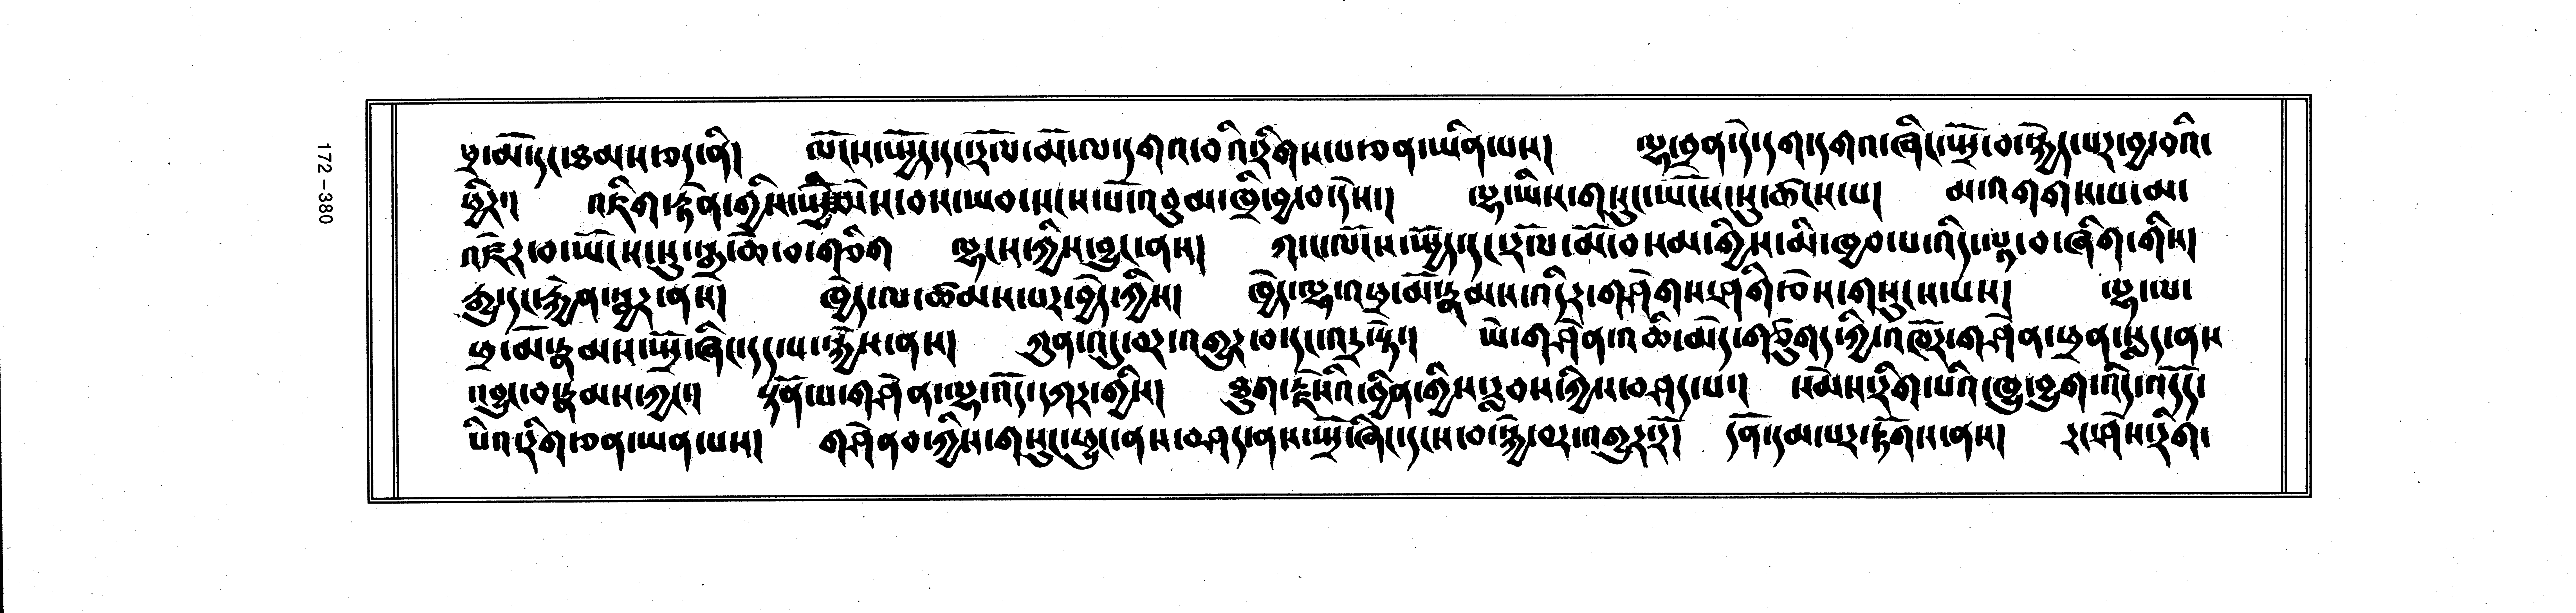ཕྲ་མོ་དང་ཐམས་ཅད་ནི། ལོངས་སྤྱོད་དང་རོལ་མོ་ལ་དགའ་བའི་རིག་པ་ཅན་ཡིན་པས། ལྷ་བྲེན་དེ་དག་དགའ་ཞིང་སྤྲོ་བ་སྐྱེད་པར་བྱ་བའི་
ཕྱིར། འཇིག་རྟེན་གྱིས་སྤྱི་བོ་མེས་བས་ཡབ་སངས་པོ་འབུམ་ཁྲི་བྱ་བ་དེས། ལྷ་ཡིས་གསུང་ཡོངས་སུ་ཚངས་པ། མ་འགགས་པ་མ་
འཛེར་བ་ཡོངས་སུ་སྒྲ་ཆེ་བ་གཅིག ལྷངས་ཀྱིས་བྱུང་ནས། ཀ་ང་ལོངས་སྤྱོད་དང་རོལ་མོ་བསམ་གྱིས་མི་ཁྱབ་པ་འདི་ལྟ་བ་ཞིག་གིས། 
རྒྱུ་དང་རྐྱེན་སྦྱར་ནས། ཁྱེད་ལ་ཚམས་པར་བྱེད་ཀྱིས། ཁྱེད་ལྷ་འཕྲ་མོ་རྣམས་འདིར་གཤེགས་ཤིག་ཅེས་གསུངས་པས། ལྷ་ལ་
ཕྲ་མོ་རྣམས་སྤྲོ་ཞིང་དད་པ་སྐྱེས་ནས། ཀུན་འདུ་བར་འགྱུར་བ་དང་འདྲ་སྟེ། ཡེ་གཤེན་འཆི་མེད་གཙུག་ཕུད་ཀྱི་འཁོར་གཤེན་ཕྲན་སླད་ནས་
འབྱུང་བ་རྣམས་ཀྱང་། སྟོན་པ་གཤེན་ལྷ་འོད་དཀར་གྱིས། ཐུགས་རྗེསའི་བྱིན་གྱིས་རླབས་ཀྱིས་བཤད་པ། སེམས་རིག་པའི་ཁྱུ་བྱུག་འདི་འདོད་
པའི་རིག་ཅན་ཡན་པས། གཤེན་རབ་ཀྱིས་གསུང་ཕྱུང་ནས་བཤད་ནས་སྤྲོ་ཞིང་དྭངས་བ་སྐྱེ་བར་འགྱུར་རོ། དོན་དམ་པར་རྟོགས་ནས། རང་ཤེས་རིག་གི་